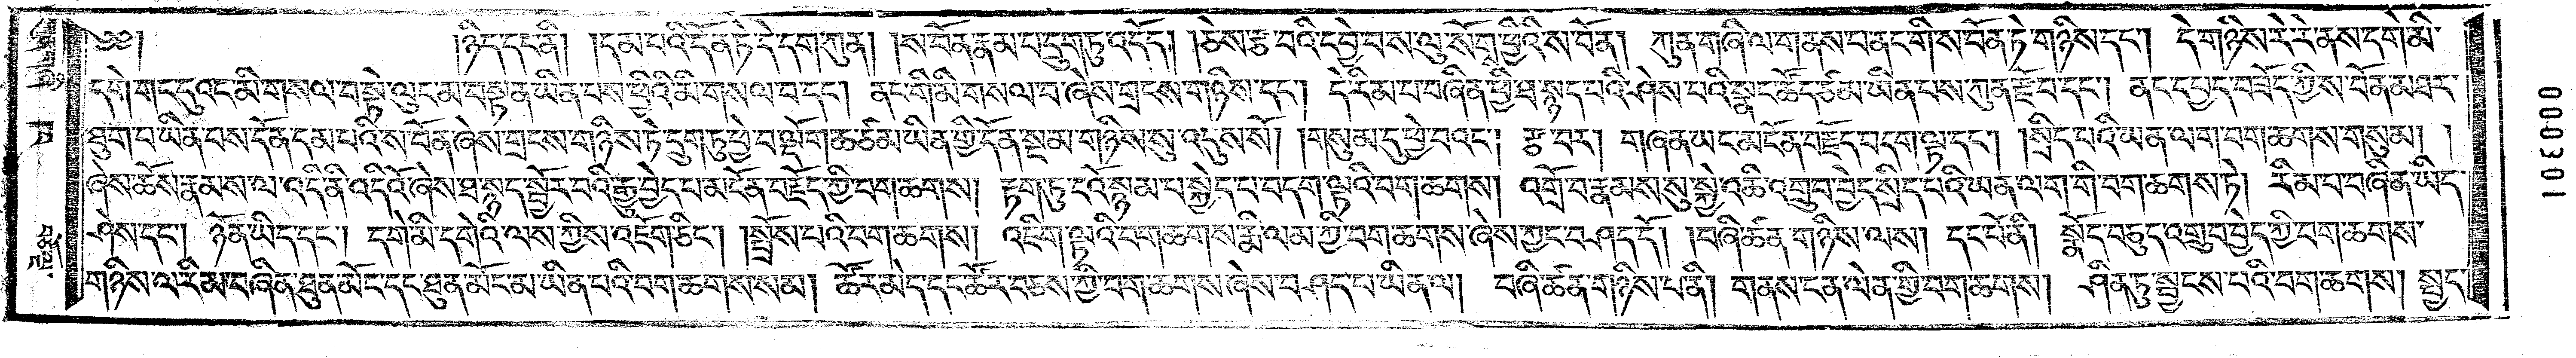༄༅། །ཉིད་དང་ནི། །དམ་པའི་དོན་ཏེ་དེ་དག་ཀུན། །ས་བོན་རྣམ་པ་དྲུག་ཏུ་འདོད། །ཅེས་རྩ་བའི་དབྱེ་བས་ལུ་སོགས་ཕྱིའི་ས་བོན། ཀུན་གཞི་ལ་གནས་པ་ནང་གི་ས་བོན་ཏེ་གཉིས་དང་། དེ་གཉིས་རེ་རེ་ནས་དགེ་མི་
དགེ་གང་དུའང་མི་གསལ་བ་སྟེ་ལུང་མ་བསྟན་ཡིན་པས་ཕྱིའི་མི་གསལ་བ་དང་། ནང་གི་མི་གསལ་བ་ཞེས་གྲངས་གཉིས་དང་། །དེ་རིམ་བཞིན་ཕྱི་ཐ་སྙད་པའི་ཤེས་པའི་སྣང་སྟོད་ཙམ་ཡིན་པས་ཀུན་རྫོབ་དང་། ནང་དཔྱད་བཟོད་ཀྱི་ས་བོན་མཐར་
ཐུག་པ་ཡིན་པས་དོན་དམ་པའི་ས་བོན་ཞེས་གྲངས་གཉིས་ཏེ་དྲུག་ཏུ་ཕྱེ་བ་ལྡོག་ཆ་ཙམ་ཡིན་གྱི་དོན་སྔ་མ་གཉིས་སུ་འདུས་སོ། །གསུམ་དུ་ཕྱེ་བའང་། རྩ་བར། གཞན་ཡང་མངོན་བརྗོད་བདག་ལྟ་དང་། །སྲིད་པའི་ཡན་ལག་བག་ཆགས་གསུམ། །
ཞེས་ཆོས་རྣམས་ལ་འདི་ནི་འདིའོ་ཞེས་ཐ་སྙད་སྦྱོར་བའི་རྒྱུ་བྱེད་པ་མངོན་བརྗོད་ཀྱི་བག་ཆགས། རྟག་ཏུ་ངའོ་སྙམ་པ་སྐྱེད་པ་བདག་ལྟའི་བག་ཆགས། འགྲོ་བ་རྣམས་སུ་སྐྱེ་འཆི་འགྲུབ་བྱེད་སྲིད་པའི་ཡན་ལག་གི་བག་ཆགས་ཏེ། རིམ་པ་བཞིན་ཡིད་
ཤེས་དང་། ཉོན་ཡིད་དང་། དགེ་མི་དགེའི་ལས་ཀྱིས་འཇོག་ཅིང་། །སྤྲོས་པའི་བག་ཆགས། འཇིག་ལྟའི་བག་ཆགས་རྨི་ལམ་གྱི་བག་ཆགས་ཞེས་ཀྱང་བཤད་དོ། །བཞི་ཚན་གཉིས་ལས། དང་པོ་ནི། སྣོད་བཅུད་འགྲུབ་བྱེད་ཀྱི་བག་ཆགས་
གཉིས་ལ་རིམ་བཞིན་ཐུན་མོང་དང་ཐུན་མོང་མ་ཡིན་པའི་བག་ཆགས་སམ། ཚོར་མེད་དང་ཚོར་བཅས་ཀྱི་བག་ཆགས་ཞེས་བཤད་པ་ཡིན་ལ། བཞི་ཚན་གཉིས་པ་ནི། གནས་ངན་ལེན་གྱི་བག་ཆགས། ཤིན་ཏུ་སྦྱངས་པའི་བག་ཆགས། སྤྱད་